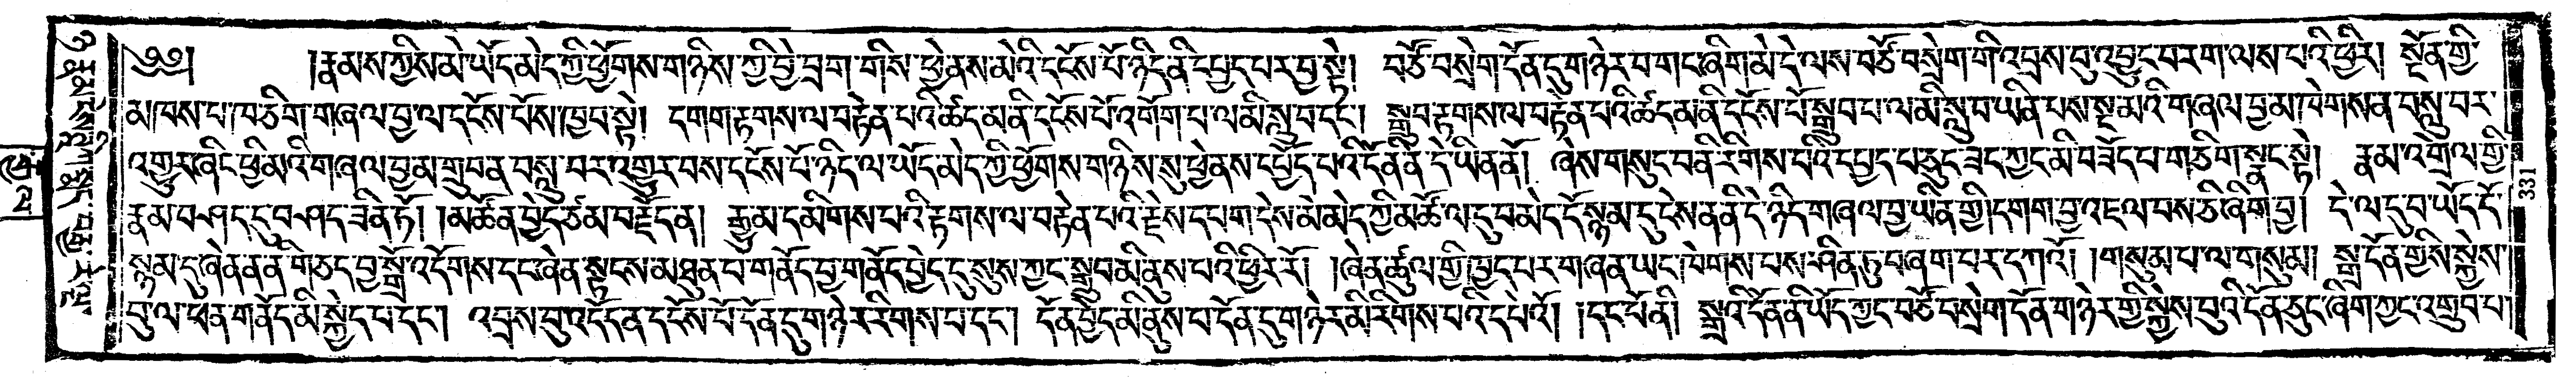༄༅། །རྣམས་ཀྱིས་མེ་ཡོད་མེད་ཀྱི་ཕྱོགས་གཉིས་ཀྱི་བྱེ་བྲག་གིས་ཕྱེ་ནས་མེའི་དངོས་པོ་ཉིད་ནི་དཔྱད་པར་བྱ་སྟེ། བཙོ་བསྲེག་དོན་དུ་གཉེར་བ་གང་ཞིག་མེ་དེ་ལས་བཙོ་བསྲེག་གི་འབྲས་བུ་འབྱུང་བ་རག་ལས་པའི་ཕྱིར། སྔོན་གྱི་
མཁས་པ་ཁ་ཅིག་གཞལ་བྱ་ལ་དངོས་པོས་ཁྱབ་སྟེ། དགག་རྟགས་ལ་བརྟེན་པའི་ཚད་མ་ནི་དངོས་པོ་འགོག་པ་ལ་མི་སླུ་བ་དང་། སྒྲུབ་རྟགས་ལ་བརྟེན་པའི་ཚད་མ་ནི་དངོས་པོ་སྒྲུབ་པ་ལ་མི་སླུ་བ་ཡིན་པས་སྔ་མའི་གཞལ་བྱ་མ་ཁེགས་ན་བསླུ་བར་
འགྱུར་ཞིང་ཕྱི་མའི་གཞལ་བྱ་མ་གྲུབ་ན་བསླུ་བར་འགྱུར་བས་དངོས་པོ་ཉིད་ལ་ཡོད་མེད་ཀྱི་ཕྱོགས་གཉིས་སུ་ཕྱེ་ནས་དཔྱོད་པའི་དོན་ནི་དེ་ཡིན་ནོ། ཞེས་གསུང་བ་ནི་རིགས་པའི་དཔྱད་པ་ཅུང་ཟང་ཀྱང་མི་བཟོད་པ་གཅིག་སྣང་སྟེ། རྣམ་འགྲེལ་གྱི་
རྣམ་བཤད་དུ་བཤད་ཟིན་ཏོ། །མཚོན་བྱེད་ཙམ་བརྗོད་ན། རྒྱུ་མ་དམིགས་པའི་རྟགས་ལ་བརྟེན་པའི་རྗེས་དཔག་དེས་མེ་མེད་ཀྱི་མཚོ་ལ་དུ་བ་མེད་དོ་སྙམ་དུ་ངེས་ན་ནི་དེ་ཉིད་གཞལ་བྱ་ཡིན་གྱི། དགག་བྱ་འཇལ་བས་ཅི་ཞིག་བྱ། དེ་ལ་དུ་བ་ཡོད་དོ་
སྙམ་དུ་ཞེན་ན་ན་གཅད་བྱ་སྒྲོ་འདོགས་དང་ཞེ་ན་སྟངས་མཐུན་པ་གནོད་བྱ་གནོད་བྱེད་དུ་སུས་ཀྱང་སྒྲུབ་མི་ནུས་པའི་ཕྱིར་རོ། །ཞེ་ན་ཚུལ་གྱི་ཁྱད་པར་གཞན་ཡང་ཁེགས་པས་ཤིན་ཏུ་བཞག་པར་དཀའོ། །གསུམ་པ་ལ་གསུམ། སྒྲ་དོན་གྱིས་སྐྱེས་
བུ་ལ་ཕན་གནོད་མི་སྐྱེད་པ་དང་། འབྲས་བུ་འདོད་ན་དངོས་པོ་དོན་དུ་གཉེར་རིགས་པ་དང་། དོན་བྱེད་མི་ནུས་པ་དོན་དུ་གཉེར་མི་རིགས་པའི་དཔེའོ། །དང་པོ་ནི། སྒྲའི་དོན་ནི་ཡོད་ཀྱང་བཙོ་བསྲེག་དོན་གཉེར་གྱི་སྐྱེས་བུའི་དོན་ཅུང་ཞིག་ཀྱང་འགྲུབ་པ།